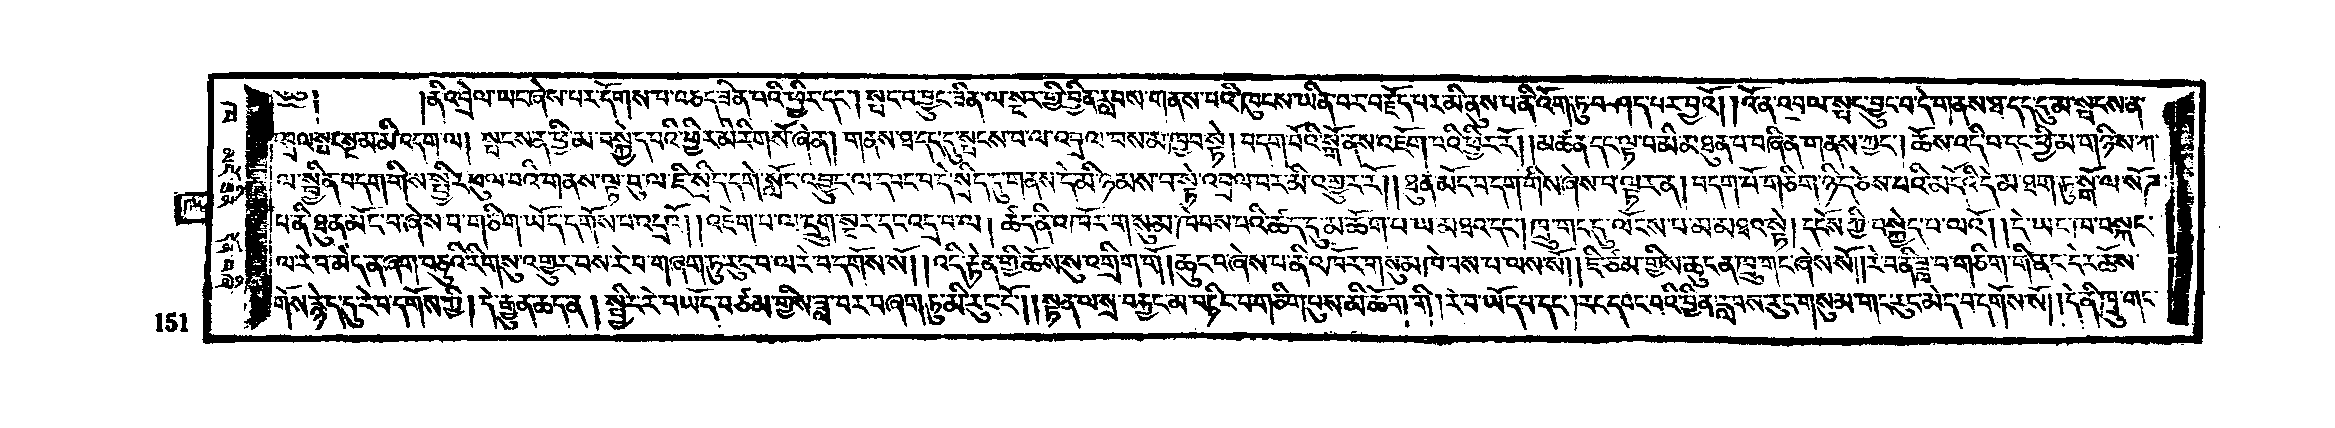༄༅། །ནི་འབྲེལ་ཡང་ཞེས་པར་དོགས་པ་བཅད་ཟིན་པའི་ཕྱིར་དང་། སྤང་བ་བྱུང་ཟིན་ལ་སྔར་གྱི་བྱིན་རླབས་གནས་པའི་ཁུངས་ཡིན་པར་བརྗོད་པར་མི་ནུས་པ་ནི་འོག་ཏུ་བཤད་པར་བྱའོ། །འོ་ན་འབྲལ་སྤང་བྱུང་བ་དེ་གནས་ཐ་དད་དུ་མ་སྤངས་ན་
འབྲལ་སྤང་སྔ་མ་མི་འདག་ལ། སྤངས་ན་ཕྱི་མ་བསྐྱེད་པའི་ཕྱིར་མི་རིགས་ཞེ་ན། གནས་ཐ་དད་དུ་སྤངས་པ་ལ་འབྲལ་བས་མ་ཁྱབ་སྟེ། བདག་པོའི་སྒོ་ནས་འཇོག་པའི་ཕྱིར་རོ། །མཚན་དང་ལྟ་བ་མི་མཐུན་པ་བཞིན་གནས་ཀྱང་། ཆོས་འདི་པ་དང་ཕྱི་མ་གཉིས་ཀ་
ལ་སྦྱིན་བདག་གིས་སྤྱིར་ཕུལ་བའི་གནས་ལྟ་བུ་ལ་ཇི་སྲིད་དགེ་སློང་འབྱུང་ལ་དབང་བ་དེ་སྲིད་དུ་གནས་དེ་མི་ཉམས་པ་སྟེ་འབྲལ་བར་མི་འགྱུར་རོ། །ཐུན་མོང་བ་དག་གིས་ཞེས་པ་ལྟར་ན། བདག་པོ་གཅིག་ཉིད་ཅེས་པའི་མདོའི་དེ་མ་ཐག་ཏུ་སྒོ་ལ་སོགས་
པ་ནི་ཐུན་མོང་བ་ཞེས་པ་གཅིག་ཡོད་དགོས་པ་འདྲའོ། །འཇིགས་པ་ལ་དྲུག་སྔར་དང་འདྲ་བ་ལ། ཚད་ནི་འཁོར་གསུམ་ཁེབས་པའི་ཚད་དུ་མ་ཆོག་པ་ཡ་མཐའ་དང་། ཁྲུ་གང་དུ་ལོངས་པ་མ་མཐའ་སྟེ། དངོས་ཀྱི་བསྐྱེད་པ་ལའོ། །དེ་ཡང་ཁ་བསྐང་
ལ་རེ་བ་མེད་ན་ཞག་བཅུའི་རིགས་སུ་འགྱུར་བས་རེ་བ་གཞག་ཏུ་རུང་བ་ལ་རེ་བ་དགོས་སོ། །འདི་རྟེན་གྱི་ཆོས་སུ་འགྲིག་གོ །ཆུང་བ་ཞེས་པ་ནི་འཁོར་གསུམ་ཁེབས་པ་ལས་སོ། །ཇི་ཙམ་གྱིས་ཆུང་ན་ཁྲུ་གང་ཞེས་སོ། །རེ་བ་ནི་ཟླ་བ་གཅིག་གི་ནང་དེར་ཆོས་
གོས་རྙེད་དུ་རེ་བ་དགོས་ཀྱི། དེ་རྒྱུན་ཆད་ན། སྤྱིར་རེ་པ་ཡོད་པ་ཙམ་གྱིས་ཟླ་བར་བཞག་ཏུ་མི་རུང་ངོ། །སྟན་ལ་སྲ་བརྐྱང་མ་?་བ་གཅིག་པུས་མི་ཆོག་གི །རེ་བ་ཡོད་པ་དང་། རང་དབང་བའི་བྱིན་རླབས་རུང་གསུམ་གང་རུང་མེད་པ་དགོས་སོ། །དེ་ནི་ཁྲུ་གང་